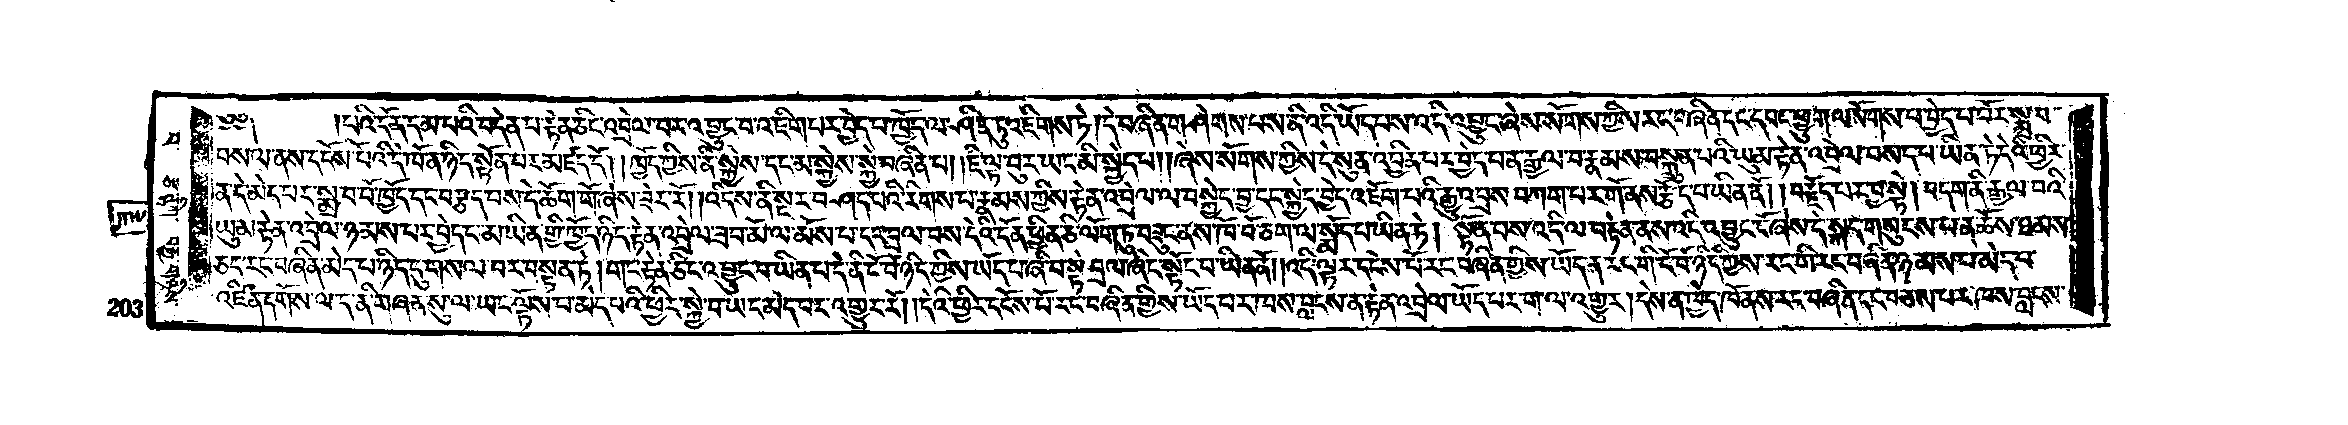༄༅། །པའི་དོན་དམ་པའི་བདེན་པ་རྟེན་ཅིང་འབྲེལ་བར་འབྱུང་བ་འཇིག་པར་བྱེད་པ་ཁྱོད་ལ་ཤིན་ཏུ་འཇིགས་ཏེ། དེ་བཞིན་གཤེགས་པས་ནི་འདི་ཡོད་པས་འདི་འབྱུང་ཞེས་སོགས་ཀྱིས་རང་བཞིན་དང་དབང་ཕྱུག་ལ་སོགས་པ་བྱེད་པ་པོར་སྨྲ་བ་
བསལ་ནས་དངོས་པོའི་དེ་ཁོ་ན་ཉིད་སྟོན་པར་མཛད་དོ། །ཁྱོད་ཀྱིས་ནི་སྐྱེས་དང་མ་སྐྱེས་སྐྱེ་བཞིན་པ། །ཇི་ལྟ་བུར་ཡང་མི་སྐྱེད་པ། །ཞེས་སོགས་ཀྱིས་དེ་སུན་འབྱིན་པར་བྱེད་པ་ན་རྒྱལ་བ་རྣམས་བསྐྲུན་པའི་ཡུམ་རྟེན་འབྲེལ་བསད་པ་ཡིན་ཏེ་དེའི་ཕྱིར་
ན་དེ་མེད་པར་སྨྲ་བ་པོ་ཁྱེད་དང་བརྩད་པས་དེ་ཆོག་གོ་ཞེས་ཟེར་རོ། །འདིས་ནི་སྔར་བཤད་པའི་རིགས་པ་རྣམས་ཀྱིས་རྟེན་འབྲེལ་ལ་བསྐྱེད་བྱ་དང་སྐྱེད་བྱེད་འཇོག་པའི་རྒྱུ་འབྲས་བཀག་པར་གོ་ནས་རྩོད་པ་ཡིན་ནོ། །བརྗོད་པར་བྱ་སྟེ། བདག་ནི་རྒྱལ་བའི་
ཡུམ་རྟེན་འབྲེལ་ཉམས་པར་བྱེད་པ་མ་ཡིན་གྱི་ཁྱོད་ཉིད་རྟེན་འབྲེལ་ཟབ་མོ་ལ་མོས་པ་དང་བྲལ་བས་དེའི་དོན་ཕྱིན་ཅི་ལོག་ཏུ་བཟུང་ནས་ཁོ་བོ་ཅག་ལ་སྨོད་པ་ཡིན་ཏེ། སྟོན་པས་འདི་ལ་བརྟེན་ནས་འདི་འབྱུང་ངོ་ཞེས་དེ་སྐད་གསུངས་པ་ན་ཆོས་ཐམས་
ཅད་རང་བཞིན་མེད་པ་ཉིད་དུ་གསལ་བར་བསྟན་ཏེ། གང་རྟེན་ཅིང་འབྱུང་བ་ཡིན་པ་དེ་ནི་ངོ་བོ་ཉིད་ཀྱིས་ཡོད་པ་ཞི་བ་སྟེ་བྲལ་ཞིང་སྟོང་པ་ཡིན་ནོ། །འདི་ལྟར་དངོས་པོ་རང་བཞིན་གྱིས་ཡོད་ན་རང་གི་ངོ་བོ་ཉིད་ཀྱིས་རང་གི་རང་བཞིན་ཉམས་པ་མེད་པ་
འཛིན་དགོས་ལ་ད་ནི་གཞན་སུ་ལ་ཡང་ལྟོས་པ་མེད་པའི་ཕྱིར་སྐྱེ་བ་ཡང་མེད་པར་འགྱུར་རོ། །དེའི་ཕྱིར་དངོས་པོ་རང་བཞིན་གྱིས་ཡོད་པར་ཁས་བླངས་ན་ཅེན་འབྲེལ་ཡོད་པར་ག་ལ་འགྱུར། དེས་ན་ཁྱེད་ཁོ་ནས་རང་བཞིན་དང་བཅས་པར་ཁས་བླངས་